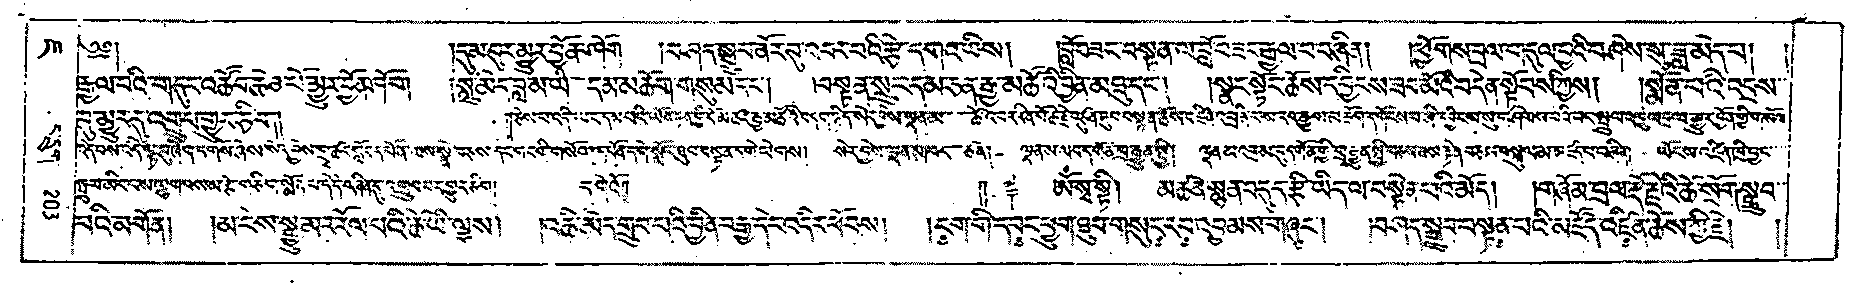༄༅། །དུམ་བུར་མྱུར་བྱོན་ཤོག །བཤད་སྒྲུབ་ནོར་བུ་འབར་བའི་རྩེ་དགའ་ཡིས། །བློ་བཟང་བསྟན་ལ་བློ་བཟང་རྒྱལ་བ་བཞིན། །ཕྱོགས་བྲལ་གདུལ་བྱའི་བཤེས་སུ་ཟླ་མེད་པ། །
རྒྱལ་བའི་གདུང་འཚོ་བ་ཆེན་པོ་མྱུར་བྱོན་ཤོག །སླུ་མེད་བླ་མ་ཡི་དམ་མཆོག་གསུམ་དང་། །བསྟན་སྲུང་དམ་ཅན་རྒྱ་མཚོའི་བྱིན་མཐུ་དང་། །སྣང་སྟོང་ཆོས་དབྱིངས་ཟབ་མོའི་བདེན་སྟོབས་ཀྱིས། །སྨོན་པའི་འབྲས་
བུ་མྱུར་དུ་འགྲུབ་གྱུར་ཅིག ། །།ཅེས་པ་འདི་ཡང་དམ་པའི་ཡོན་ཏན་གྱི་ངོ་མཚར་རྒྱ་མཚོའི་བདག་ཉིད་སེར་བྱེས་ལྡན་མ་ཚེ་འབར་རིན་པོ་ཆེ་རྗེ་བཙུན་ཐུབ་བསྟན་ཆོས་འཛིན་འཕྲིན་ལས་རབ་རྒྱས་མཆོག་དགོངས་པ་ཞི་དབྱིངས་སུ་གཤེགས་པའི་ཡང་སྤྲུལ་འཁྲུལ་བྲལ་མྱུར་བྱོན་གྱི་གསོལ་
འདེབས་འདི་ལྟ་བུ་ཞིག་དགོས་ཞེས་སེར་བྱེས་གྲྭ་ཚང་སློབ་དཔོན་ལས་སྣེ་བཅས་དང་གང་གི་གསོལ་དཔོན་དགེ་སློང་ཐུབ་བསྟན་དགེ་ལེགས། སེར་བྱེས་ལྡན་མ་ཁང་ཚན། ལྡན་མ་ལབ་དགོན་གྲ་རྒྱུན་སྤྱི། ལྡན་མ་འགྲམ་བུ་དགོན་གྱི་གྲྭ་རྒྱུན་སྤྱི་བཅས་ནས་རྟེན་བཅས་བསྐུལ་མ་མཛད་པ་བཞིན། ཡོངས་འཛིན་ཁྲི་བྱང་
སྤྲུལ་མིང་པས་ལྷག་བསམ་རྩེ་གཅིག་སྨོན་པ་དེ་དེ་བཞིན་དུ་འགྲུབ་པར་གྱུར་ཅིག ། དགེའོ།། །། ༈ ཨོཾ་སྭ་སྟི། མཚན་སྙན་བདུད་རྩི་ཡིད་ལ་བསྟེན་པའི་མོད། །གཞོམ་བྲལ་རྡོ་རྗེའི་ཚེ་སྲོག་སྒྲུབ་
པའི་མགོན། །མ་ངེས་སྒྱུ་མར་རོལ་པའི་ཚེ་ཡི་ལྷས། །འཆི་མེད་གྲུབ་པའི་བྱིན་བརྒྱ་དེང་འདིར་ཕོབས། །ངག྾་གི་དབང྾་ཕྱུག་ཐུབ་གསུང྾་རབ྾་འབྱམས་གཞུང་། །བཤད་སྒྲུབ་བསྟན྾་པའི་མཛོད་འཛིན྾་ཆོས་ཀྱི་རྗེ། །